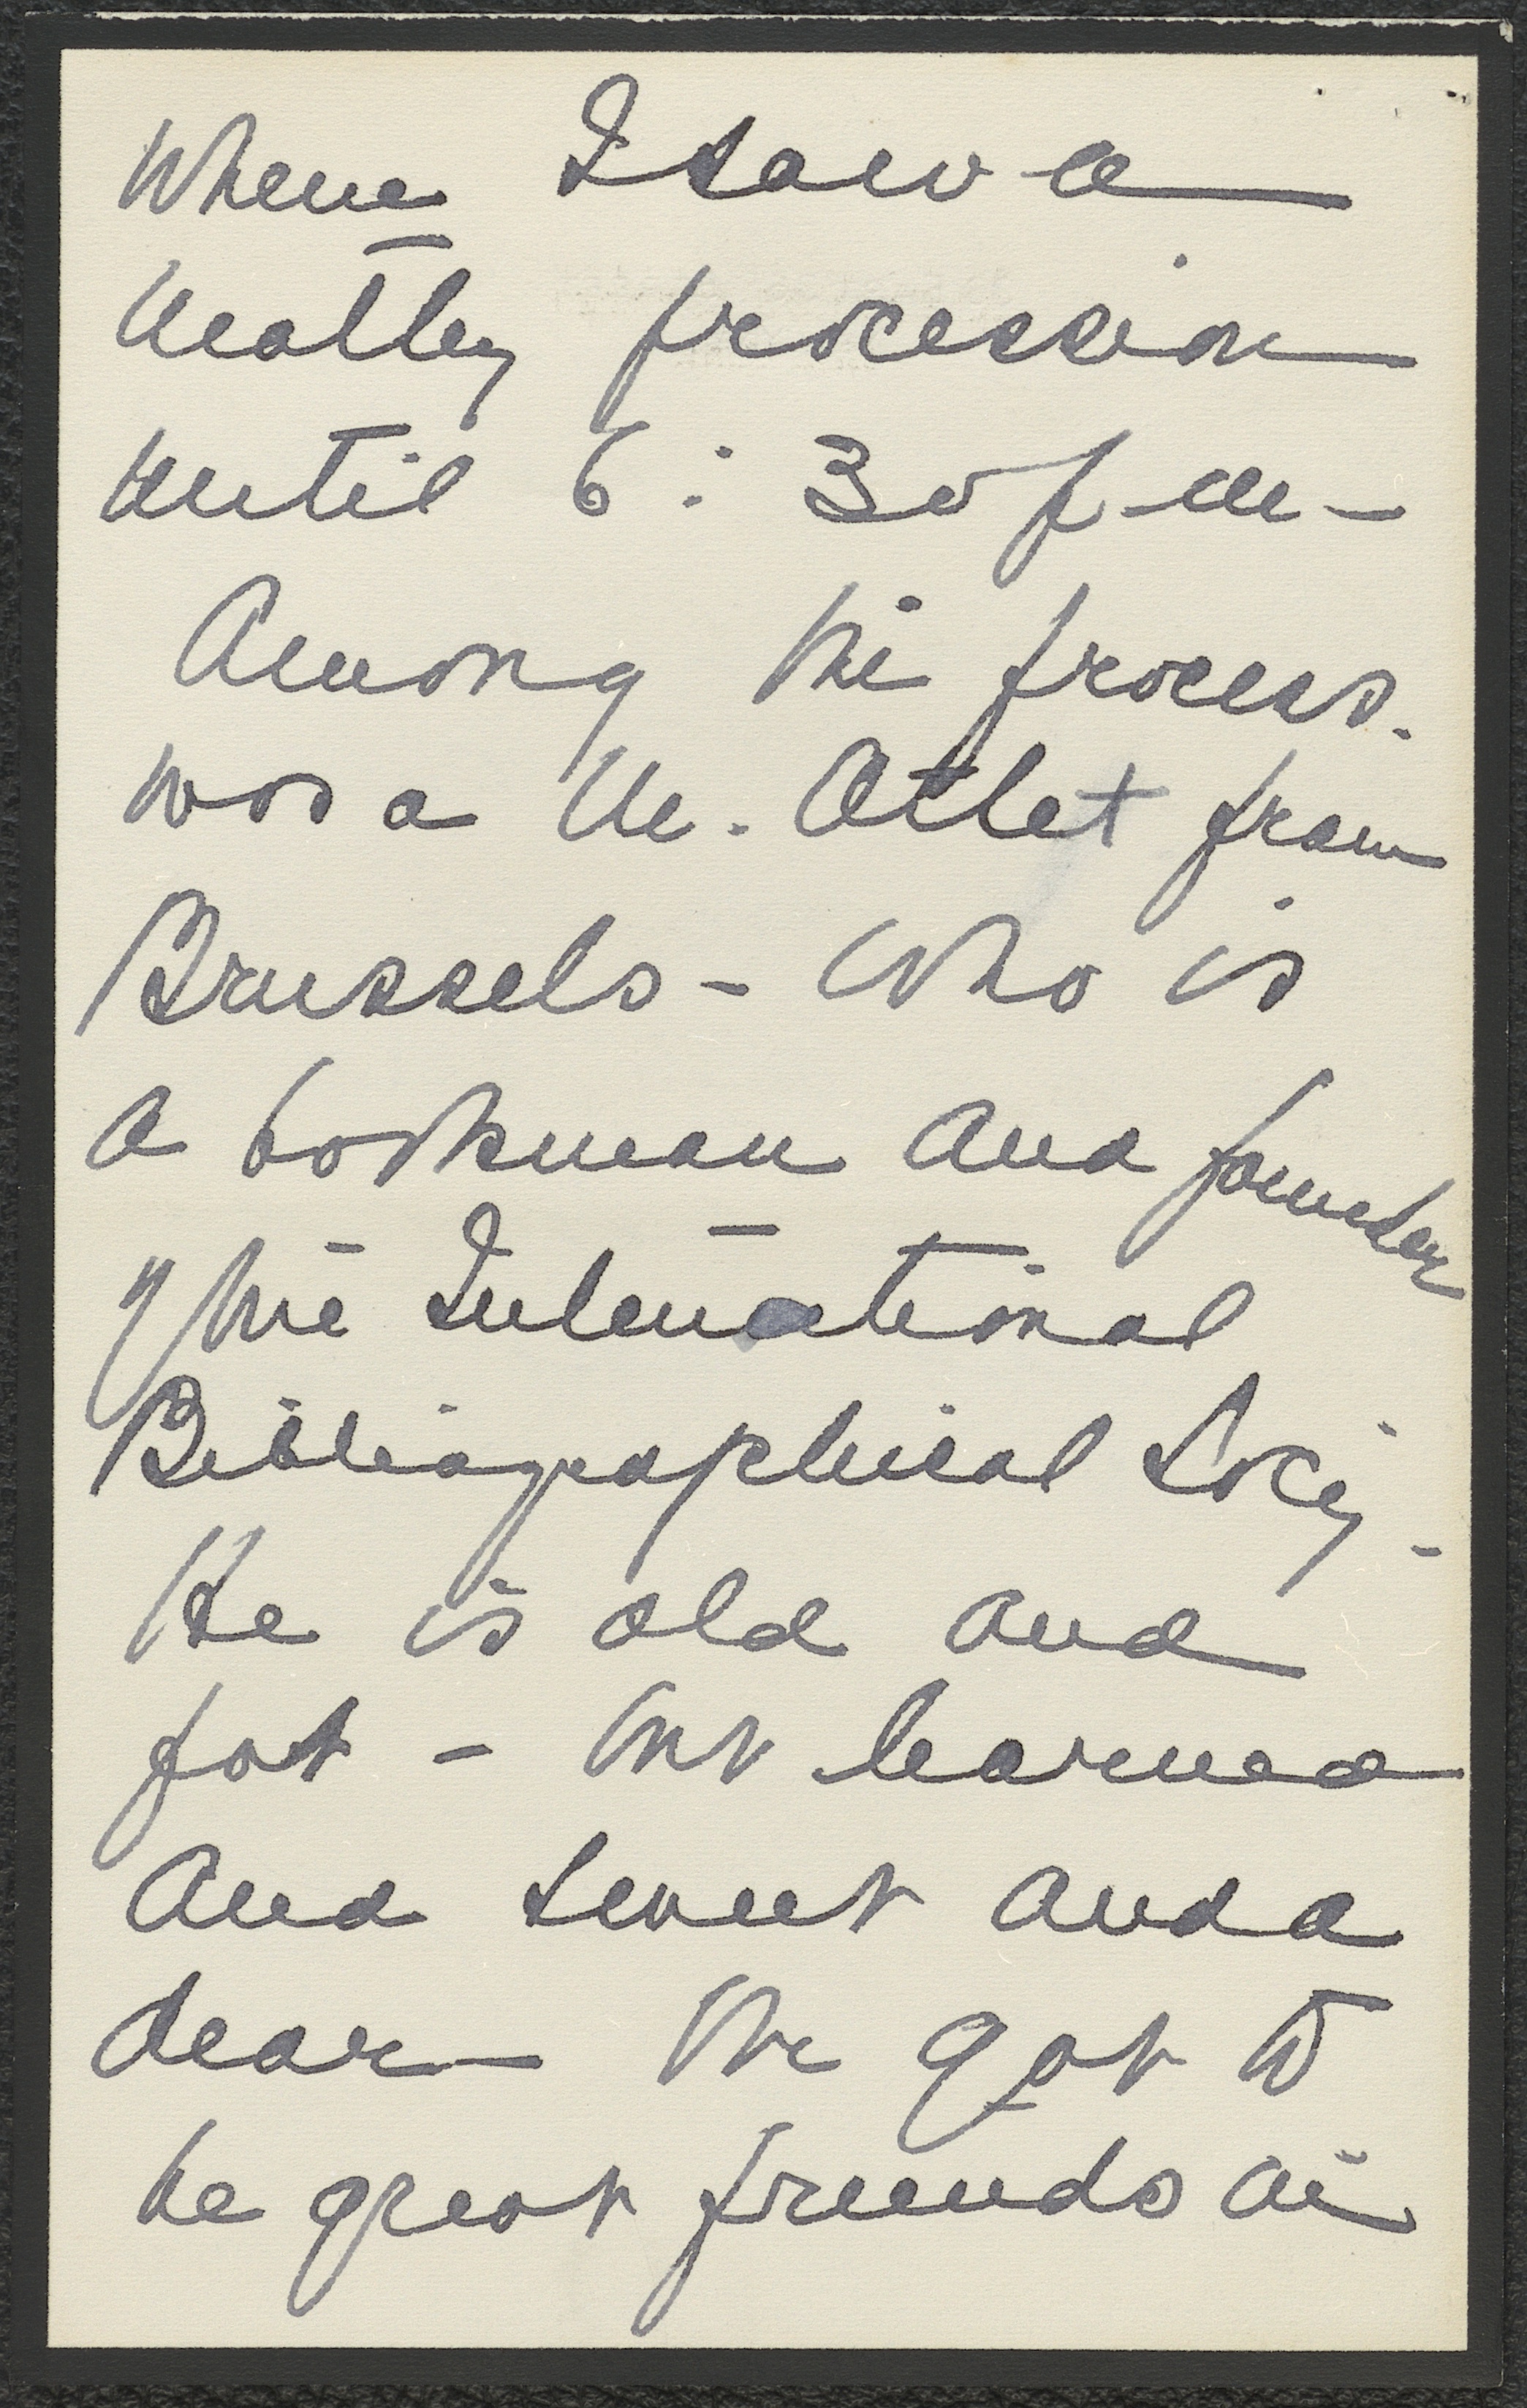where I saw a motley procession until 6:30 pm – Among the process. was a M. Otlet from Brussels – who is a bookman and founder of the International Bibliographical Society – He is old and fat – but learned and sweet and a dear – We got to be great friends in